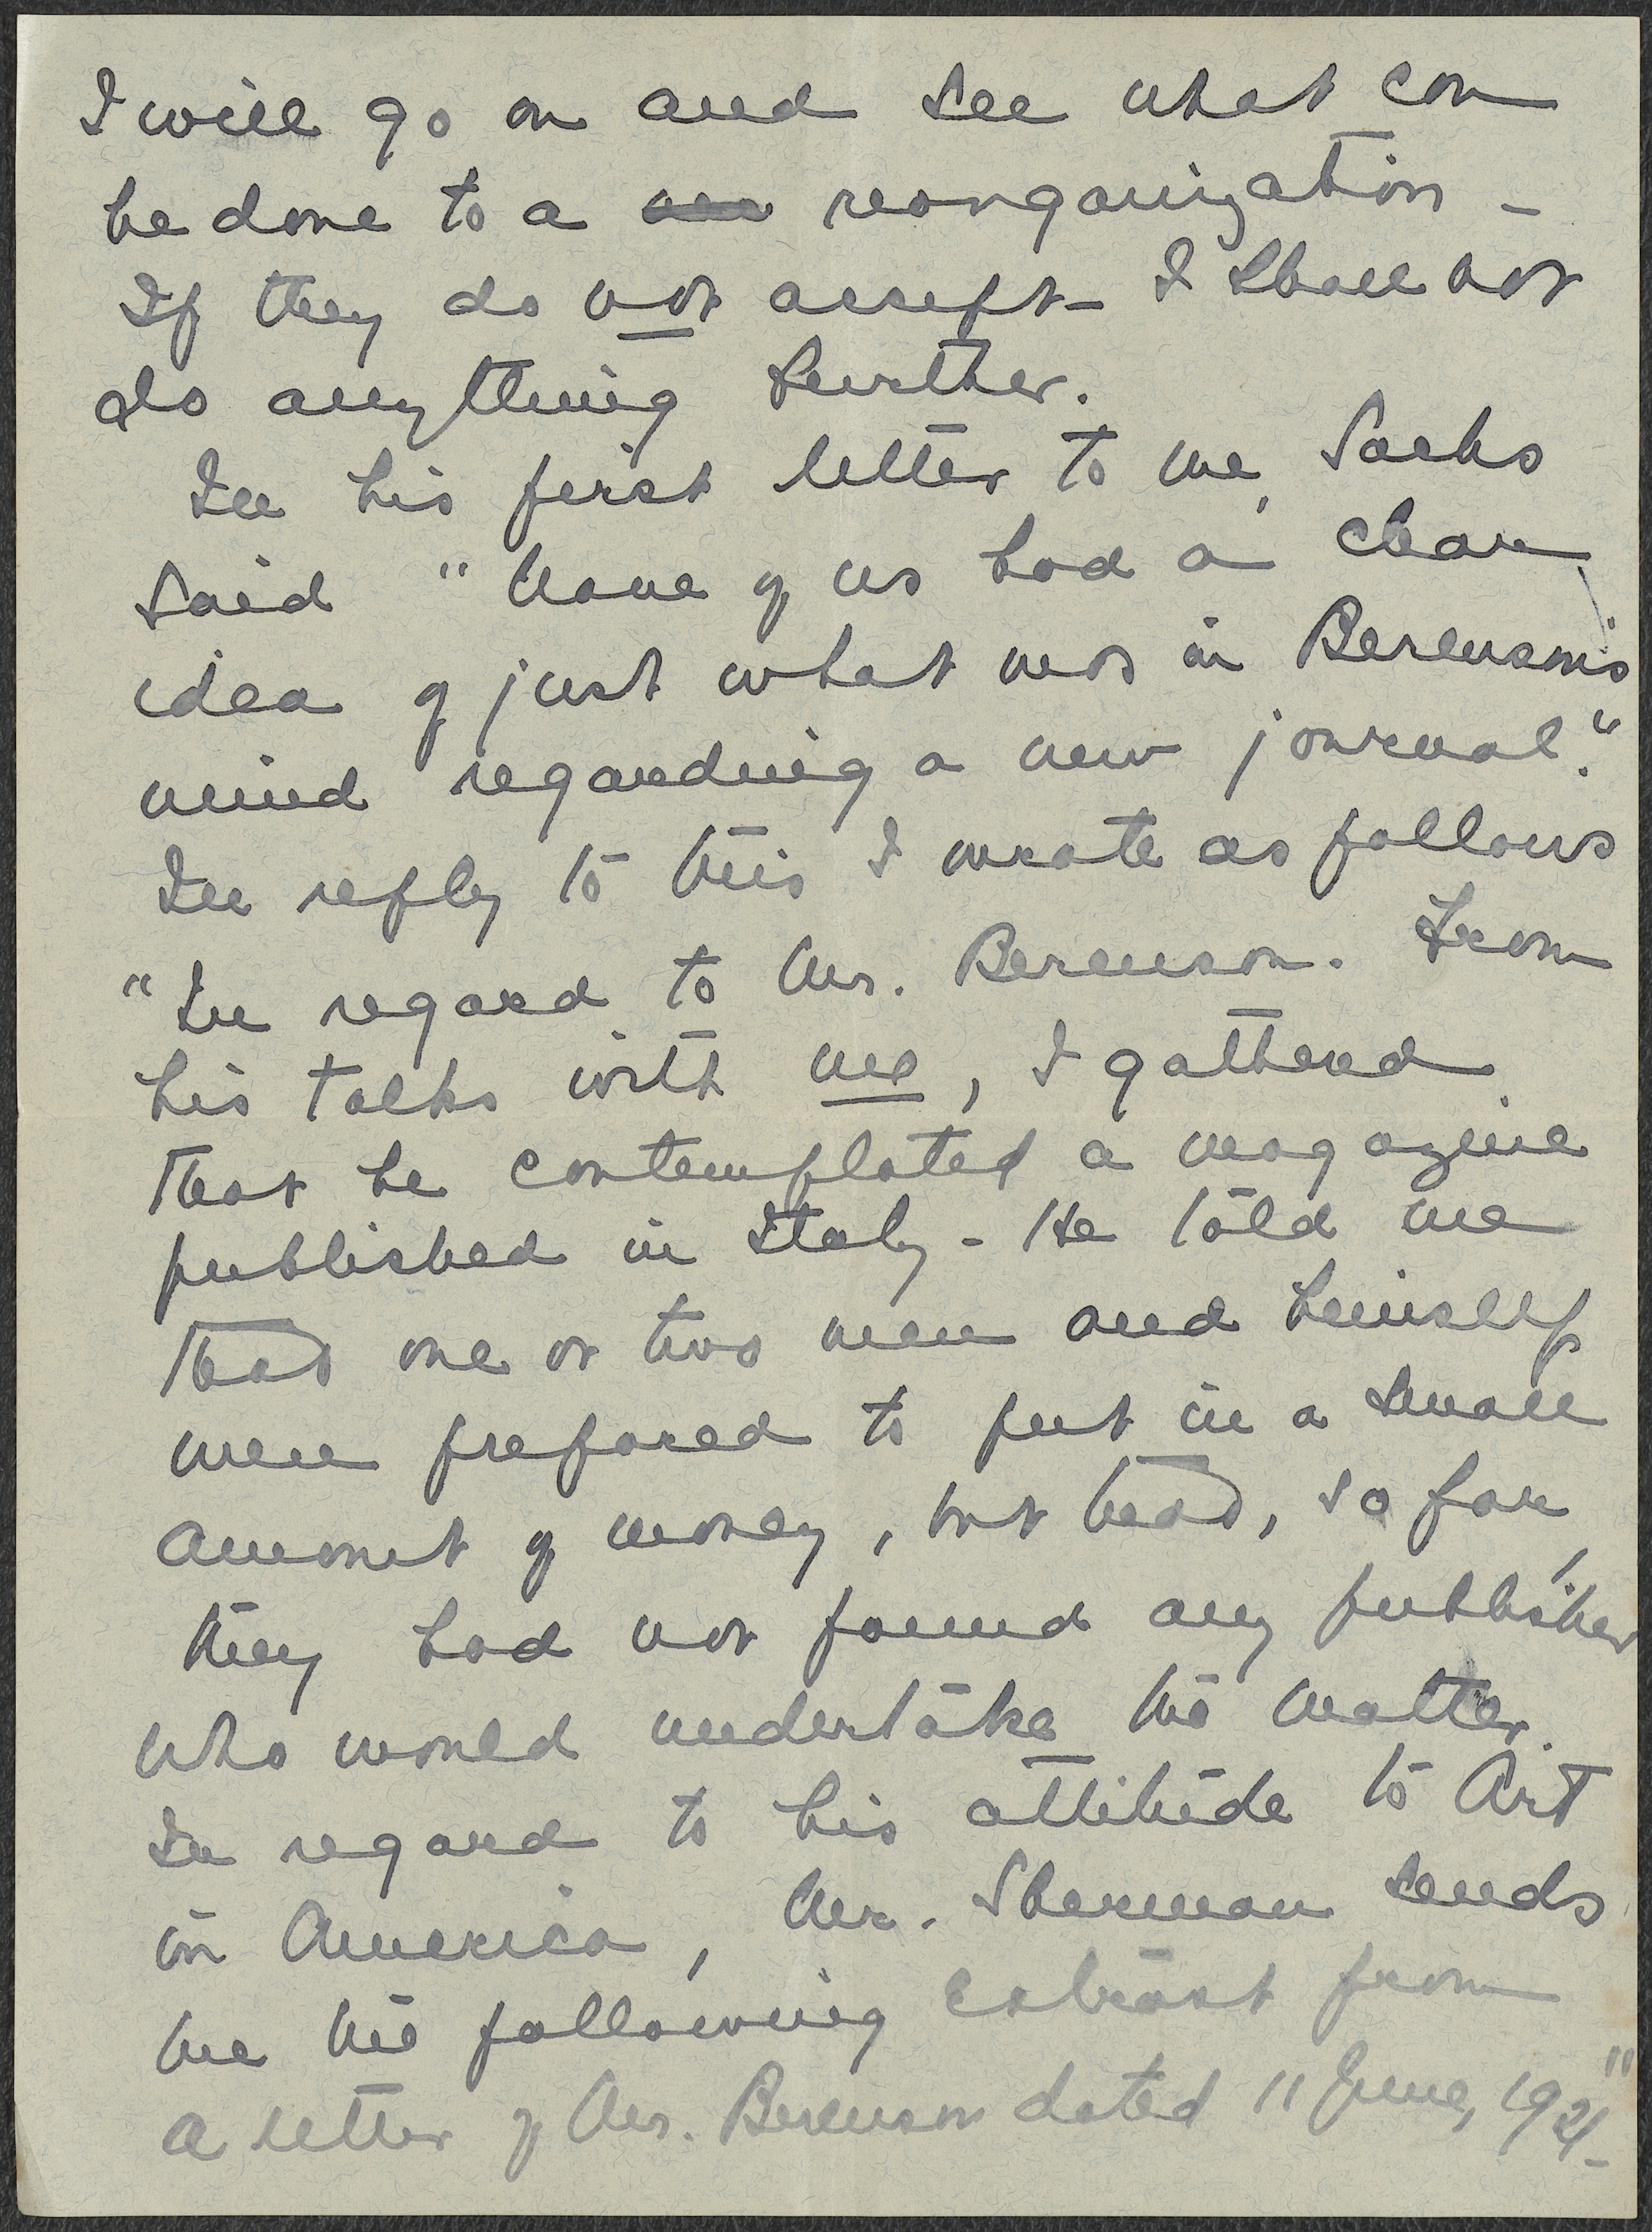I will go on and see what can be done to a new reorganization – If they do not accept – I shall not do anything further.
In his first letter to me, Sachs said “None of us had a clear idea of just what was in Berenson’s mind regarding a new journal.” In reply to this I wrote as follows
“In regard to Mr. Berenson. From his talks with me, I gathered that he contemplated a magazine published in Italy – He told me that one or two men and himself were prepared to put in a small amount of money, but that, so far, they had not found any publisher who would undertake the matter. In regard to his attitude to Art in America, Mr. Sherman sends me the following extract from a letter of Mr. Berenson dated June, 1921” –